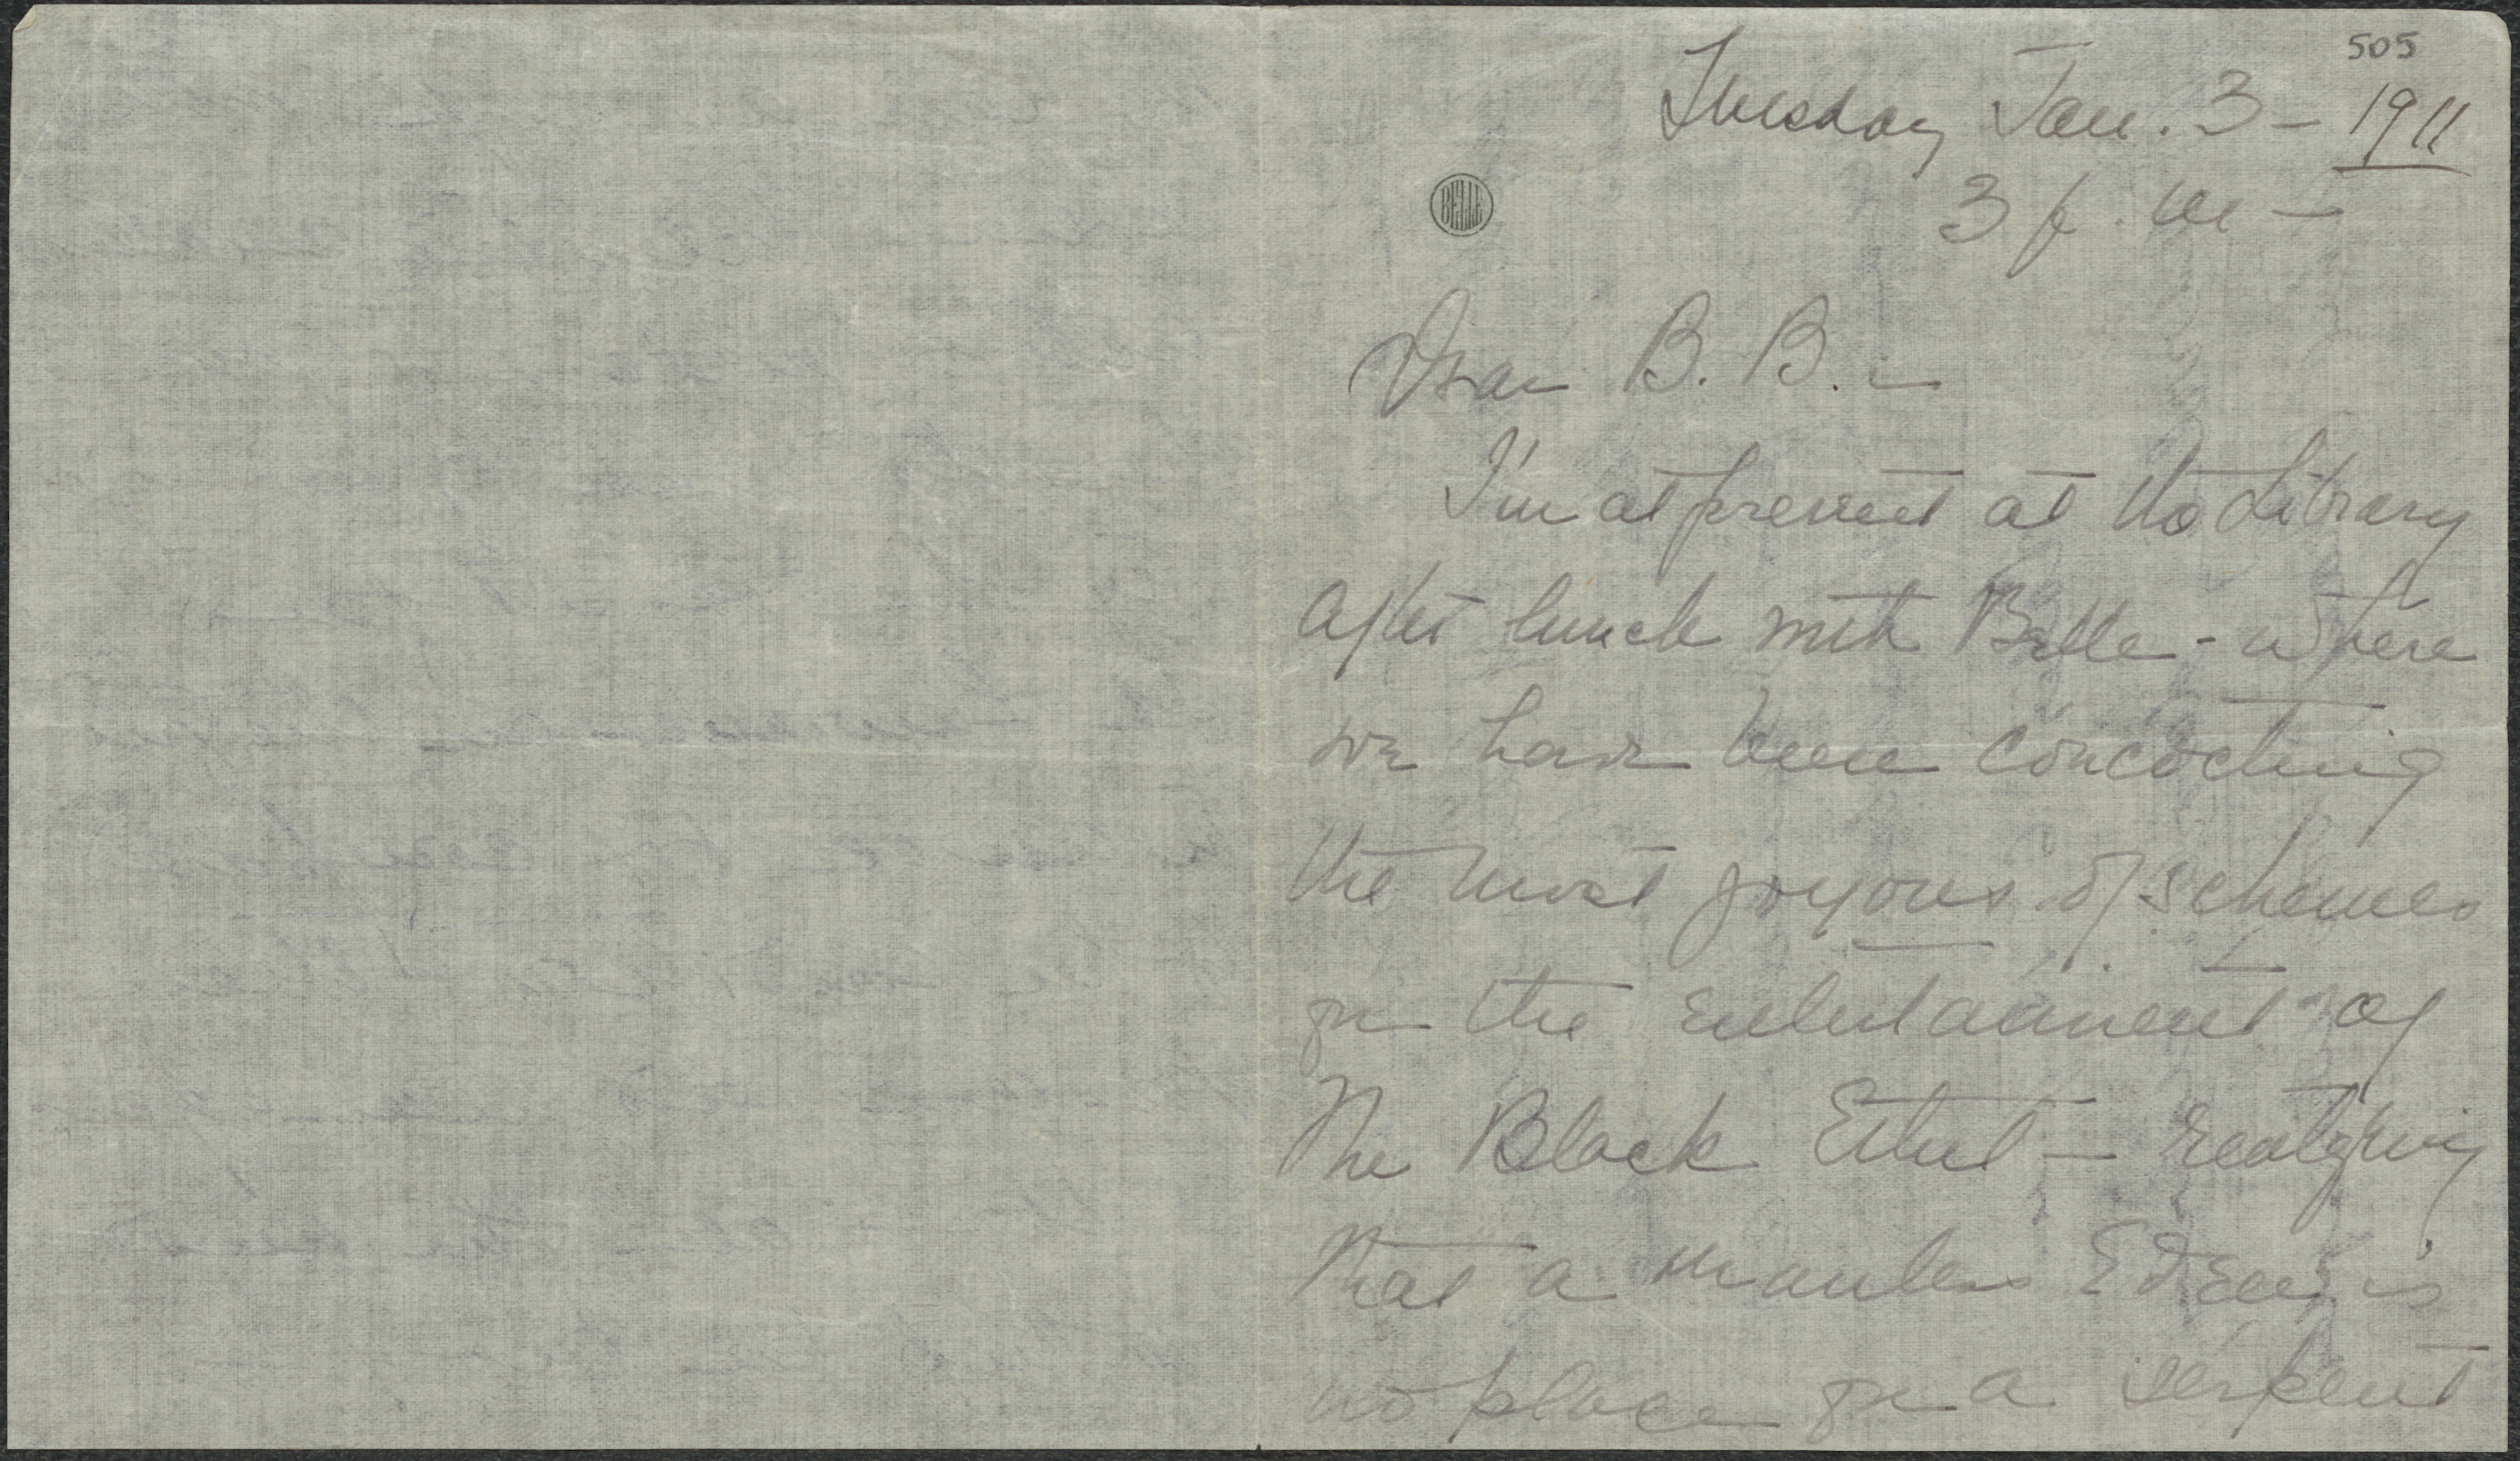Tuesday Jan. 3 –
3 p.m.
Dear B. B. –
I’m at present at the Library after lunch with Belle – where we have been concocting the most joyous of schemes for the entertainment of The Black Ethel – realizing that a manless Eden is no place for a serpent
[blank]